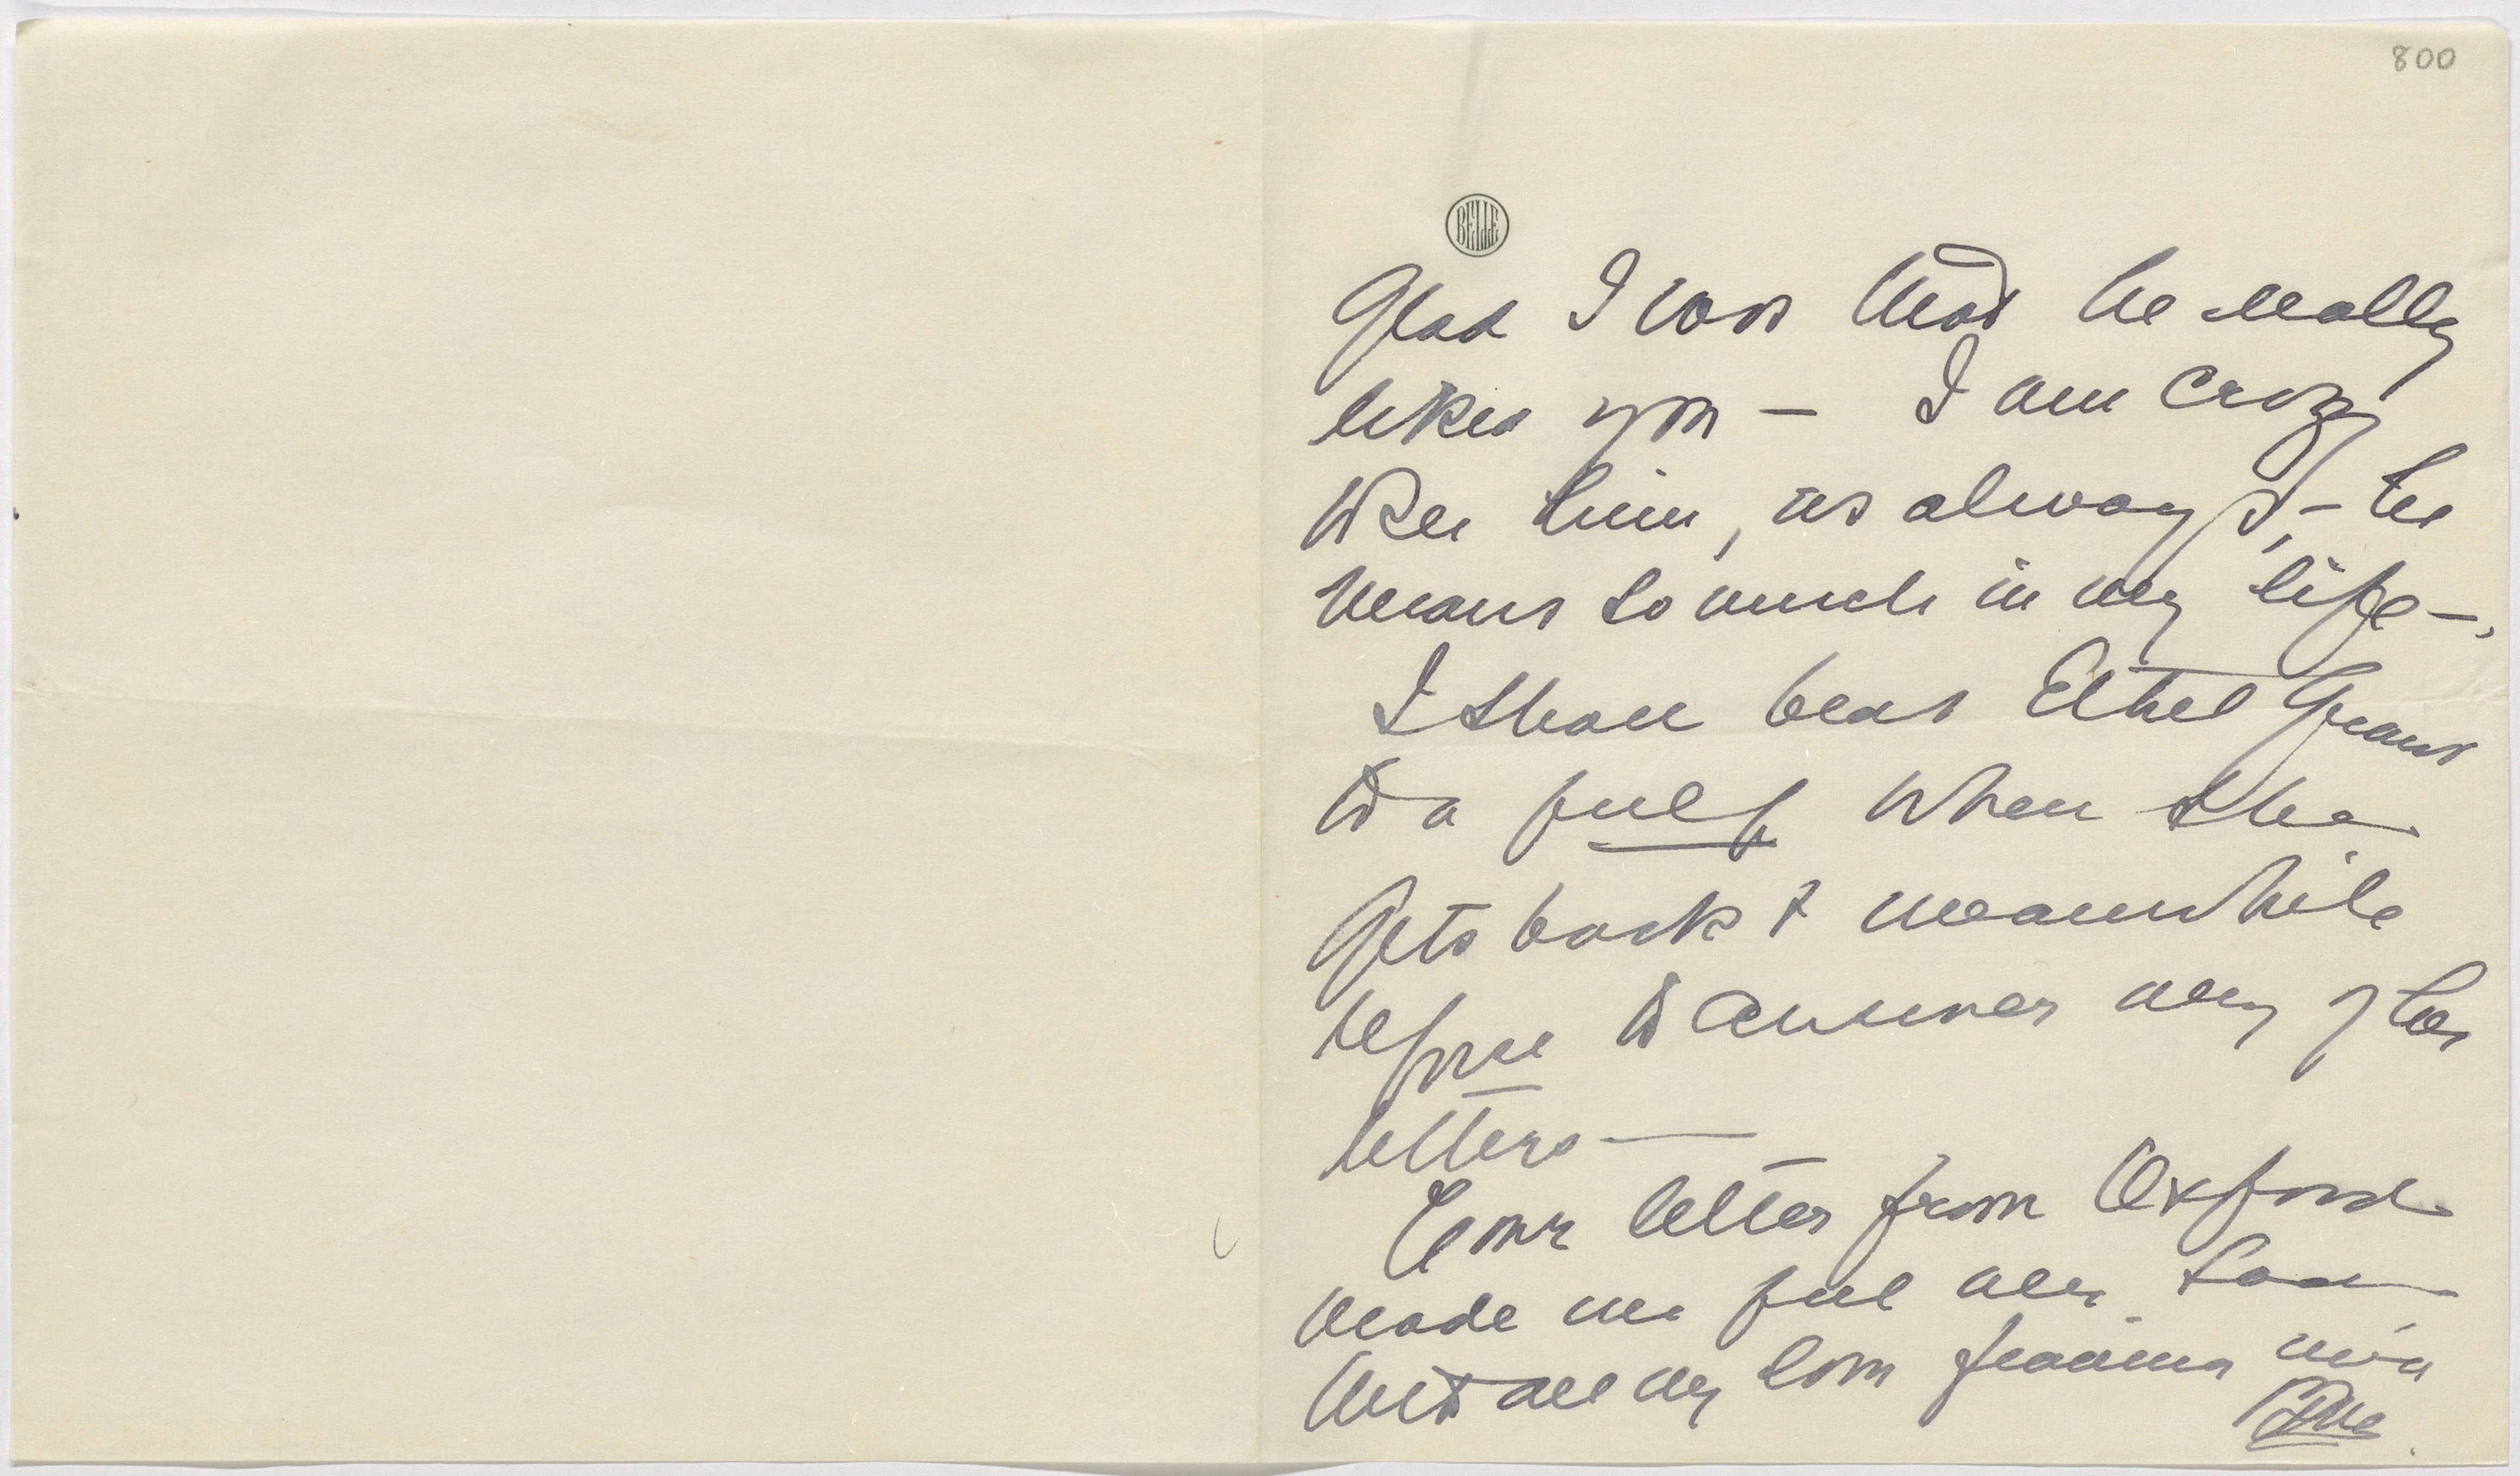Glad I was that he really liked you – I am crazy to see him, as always – he means so much in my life –
I shall beat Ethel Grant to a pulp when she gets back & meanwhile refuse to answer any of her letters –
Your letter from Oxford made me feel very sad – With all my love fiamma mia
[double underlined: Belle].